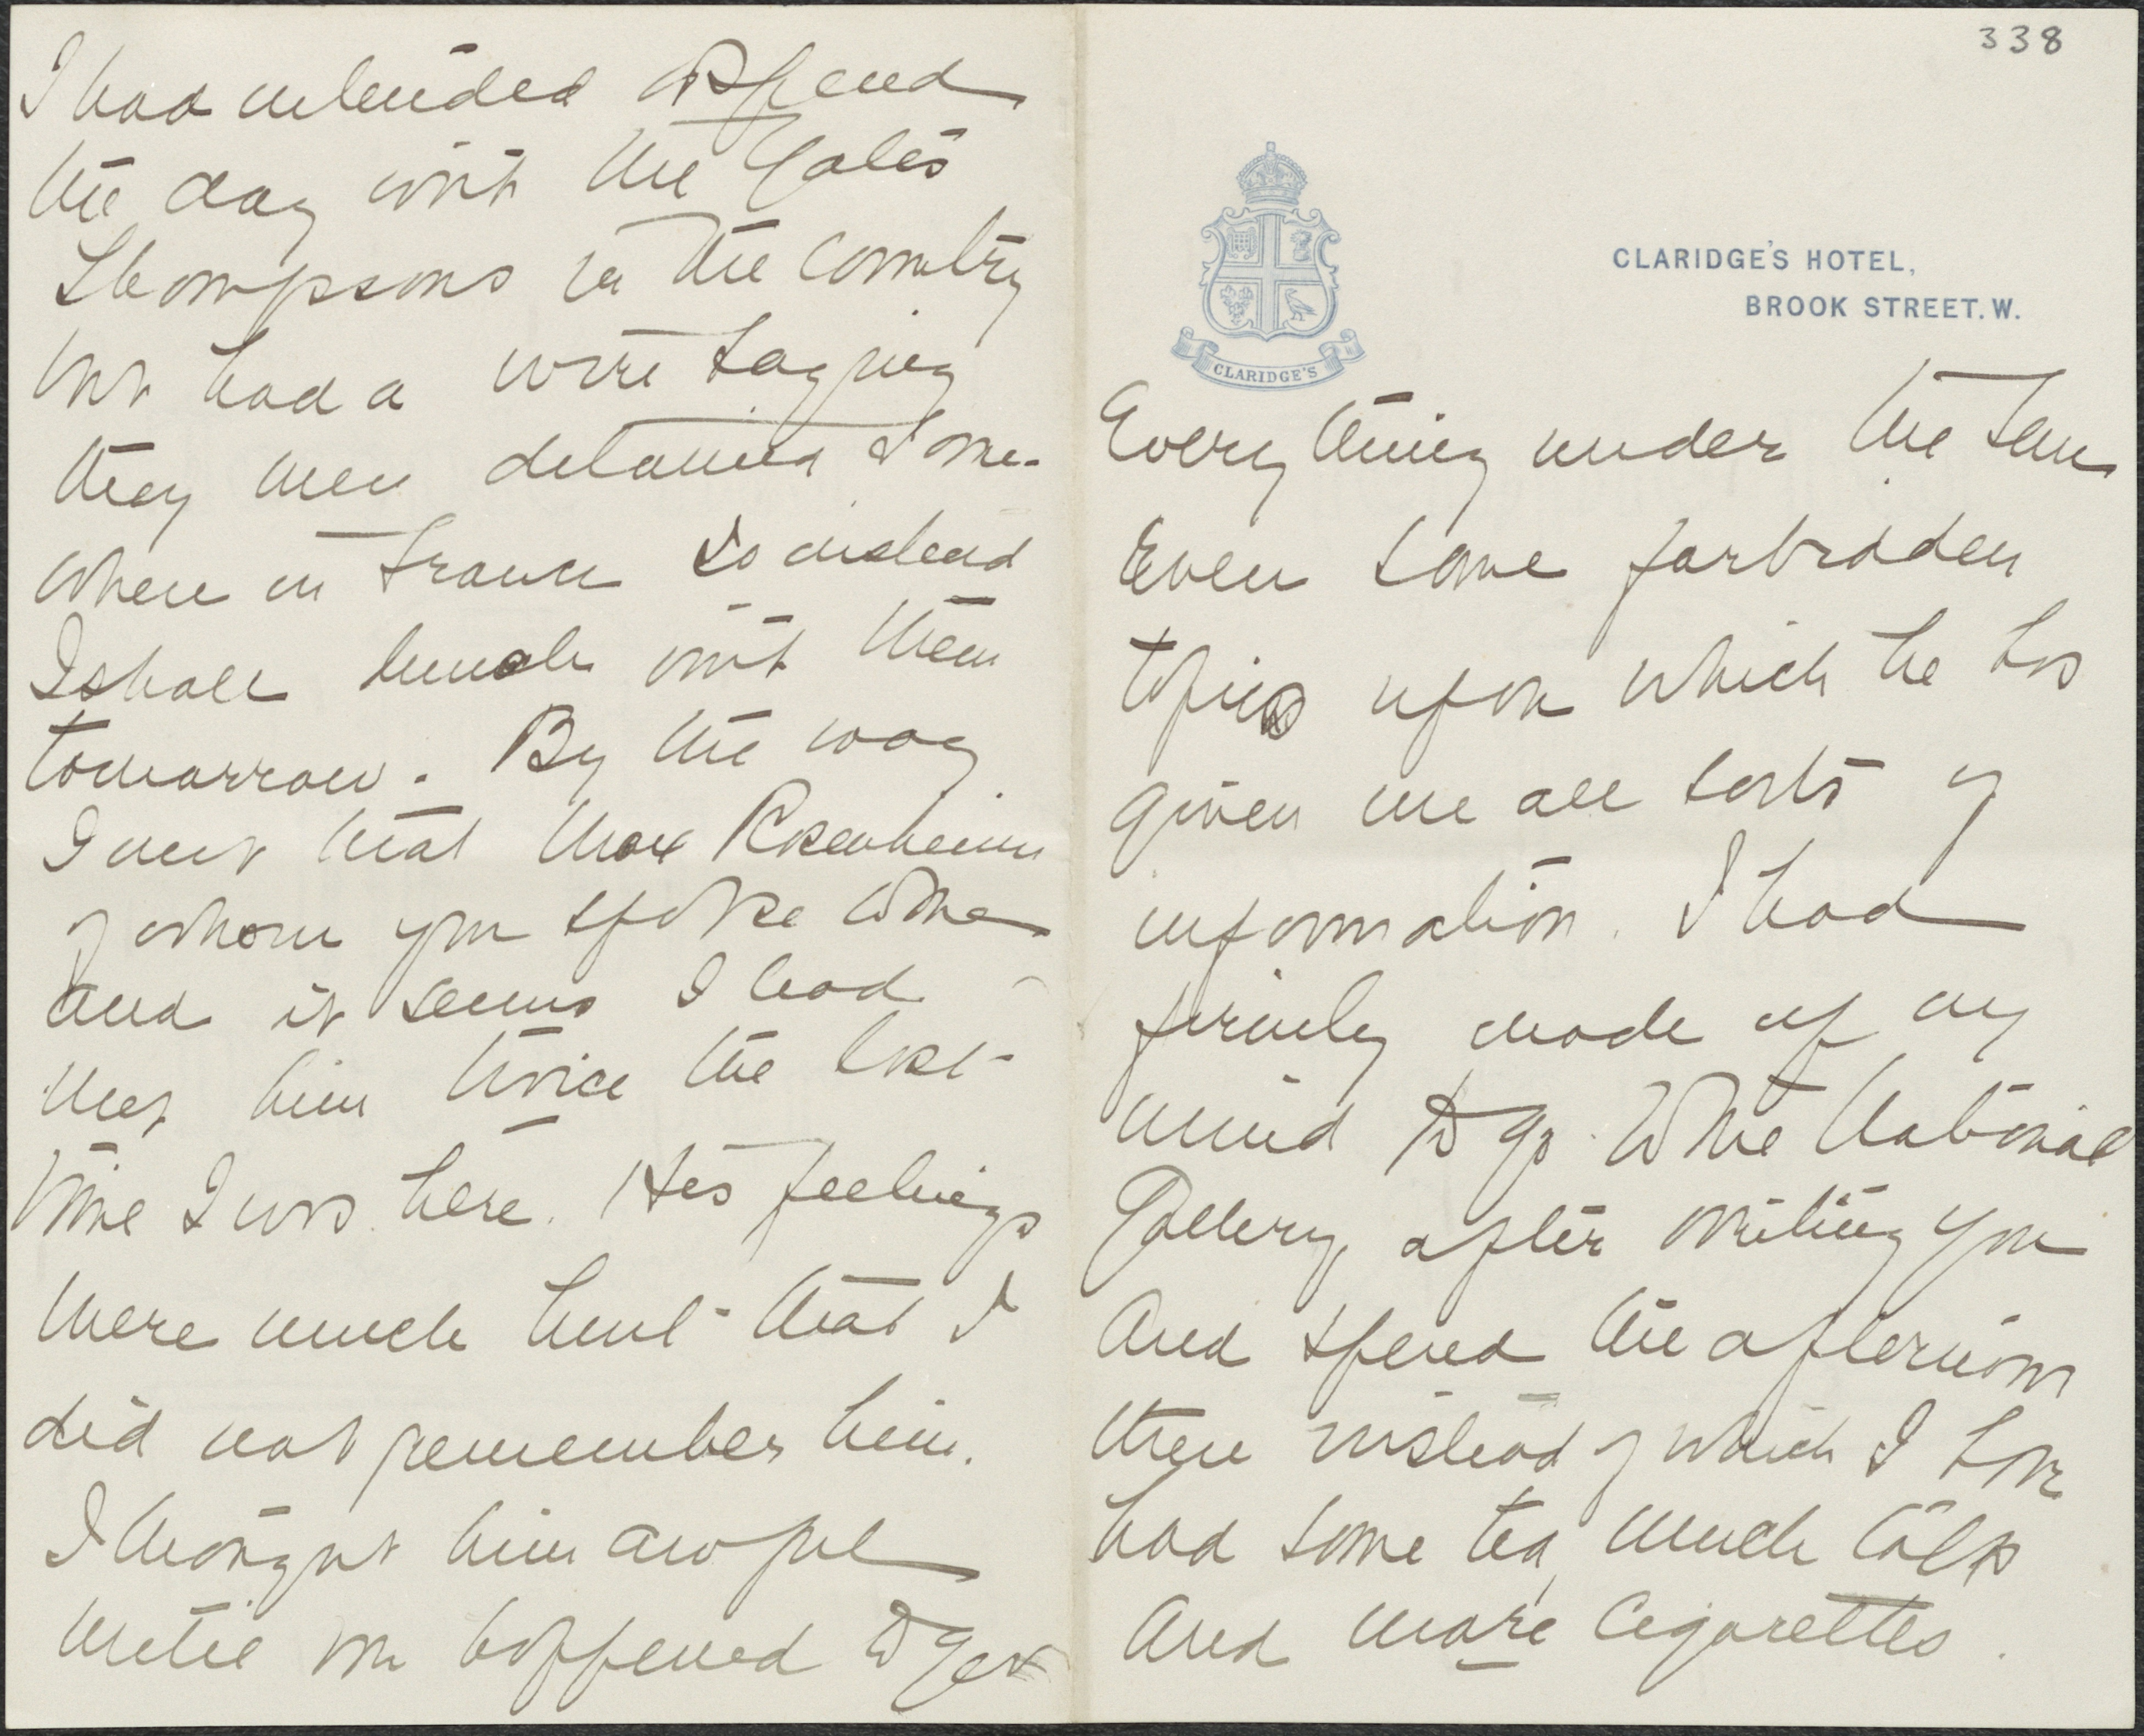every thing under the sun even some forbidden topics upon which he has given me all sorts of information. I had firmly made up my mind to go to the National Gallery after writing you and spend the afternoon there instead of which I have had some tea, much talk and more cigarettes
I had intended to spend the day with the Yates Thompsons in the country but had a wire saying they were detained some where in France so instead I shall lunch with them tomorrow. By the way I met that Max Rosenheim of whom you spoke to me and it seems I had met him twice the last time I was here. His feelings were much hurt that I did not remember him. I thought him awful until we happened to get